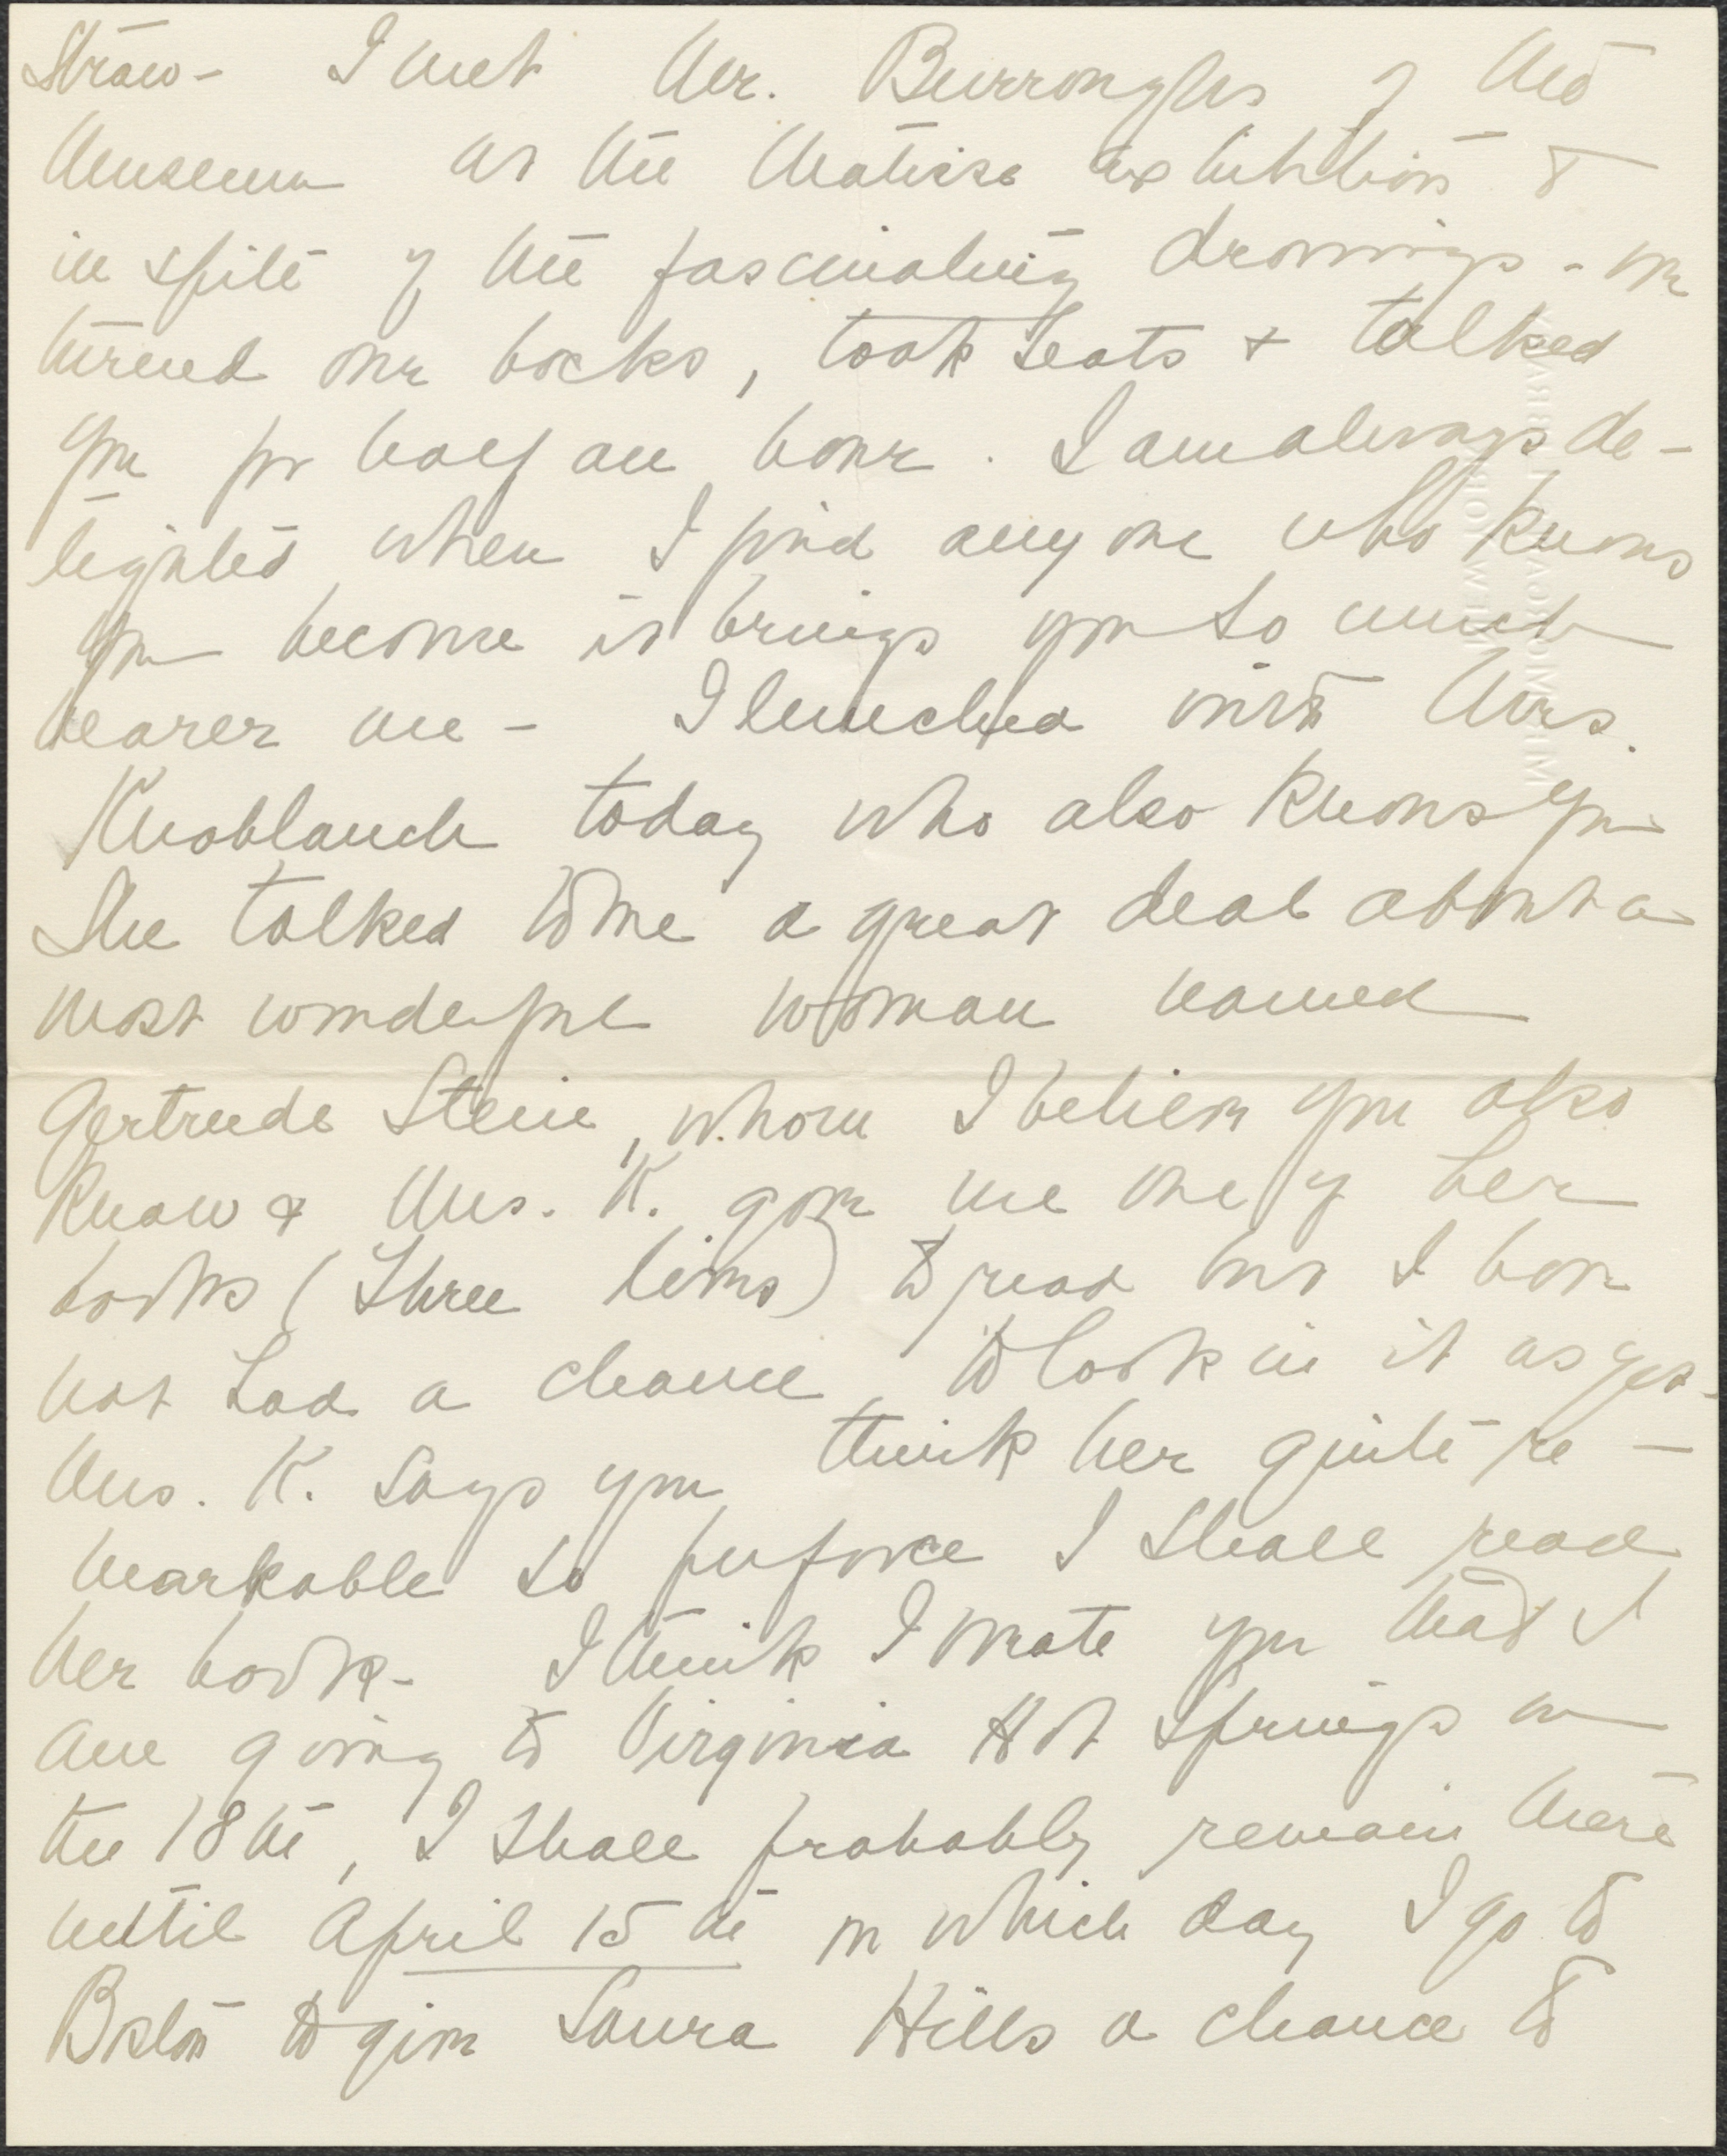straw – I met Mr. Burroughs of the Museum at the Matisse Exhibition & in spite of the fascinating drawings – we turned our backs, took seats & talked you for half an hour. I am always delighted when I find any one who knows you because it brings you so much nearer me – I lunched with Mrs. Knoblauch today who also knows you. She talked to me a great deal about a most wonderful woman named Gertrude Stein, whom I believe you also know & Mrs. K. gave me one of her books (Three lives) to read but I have not had a chance to look in it as yet – Mrs. K. says you think her quite remarkable so perforce I shall read her book – I think I wrote you that I am going to Virginia Hot Springs on the 18th, I shall probably remain there until April 15th on which day I go to Boston to give Laura Hills a chance to